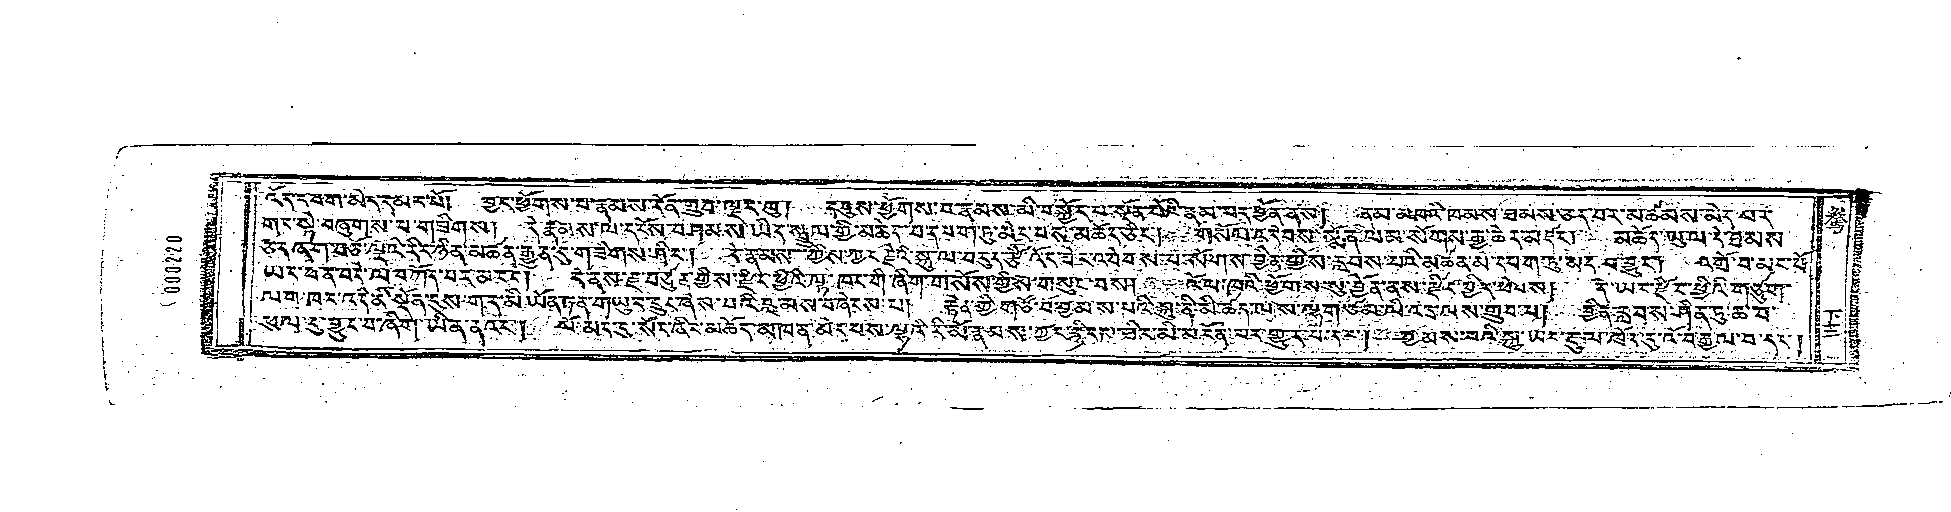འོད་དབག་མེད་དམར་པོ། བྱང་ཕྱོགས་པ་རྣམས་དོན་གྲུབ་ལྗང་ཁུ། དབུས་ཕྱོགས་པ་རྣམས་མི་བསྐྱོད་པ་སྔོན་པོའི་རྣམ་པར་བྱོན་ནས། ནམ་མཁའི་ཁམས་ཐམས་ཅད་བར་མཚམས་མེད་པར་
གང་སྟེ་བཞུགས་པ་གཟིགས། དེ་རྣམས་ལ་དངོས་བཤམས་ཡིད་སྤྲུལ་གྱི་མཆེད་པ་དཔག་ཏུ་མེད་པས་མཆོད་ཅིང་། གསོལ་འདེབས་སྨོན་ལམ་སོགས་རྒྱ་ཆེར་མཛད། མཆོད་ཡུལ་དེ་ཐམས་
ཅད་ཞག་བཅོ་ལྔའི་རིང་ཉིན་མཚན་རྒྱུན་དུ་གཟིགས་ཤིང་། དེ་རྣམས་ཀྱིས་ཀྱང་རྗེའི་སྐུ་ལ་བདུད་རྩི་འོད་ཟེར་འབེབས་པ་སོགས་བྱིན་གྱིས་རླབས་པའི་མཚན་མ་དཔག་ཏུ་མེད་པ་འབྱུང་། འགྲོ་བ་མང་པོ་
ཡང་ཕན་བདེ་ལ་བཀོད་པར་མ་དང་། དེ་ནས་རྗེ་བཙུན་གྱིས་རྫིང་ཕྱིའི་ལྷ་ཁང་གི་ཞིག་གསོས་ཀྱིས་གསུང་བས། འོལ་ཁའི་ཕྱོགས་སུ་བྱོན་ནས་རྫིང་ཕྱིར་ཕེབས། དེ་ཡང་རྫིང་ཕྱིའི་གཙུག་
ལག་ཁང་འདི་ནི་སྔོན་དུས་གར་མི་ཡོན་ཏན་གཡུང་དྲུང་ཞེས་པའི་བླ་མས་བཞེངས་པ། རྟེན་གྱི་གཙོ་བོ་བྱམས་པའི་སྐུ་ནི་མི་ཚད་ལས་ལྷག་ཙམ་ལི་འདྲ་ལས་གྲུབ་པ། བྱིན་རླབས་ཤིན་ཏུ་ཚ་བ་
ཕུལ་དུ་བྱུང་བ་ཞིག་ཡིན་ནའང་། ལོ་མང་དུ་སོང་ཞིང་མཆོད་མཁན་མེད་པས་ལྷའི་རི་མོ་རྣམས་ཀྱང་རྙིངས་ཐིང་མི་མངོན་པར་གྱུར་པ་དང་། བྱམས་པའི་སྐུ་ཡང་རྡུལ་ཁྲོད་དུ་འོ་བརྒྱལ་བ་དང་།